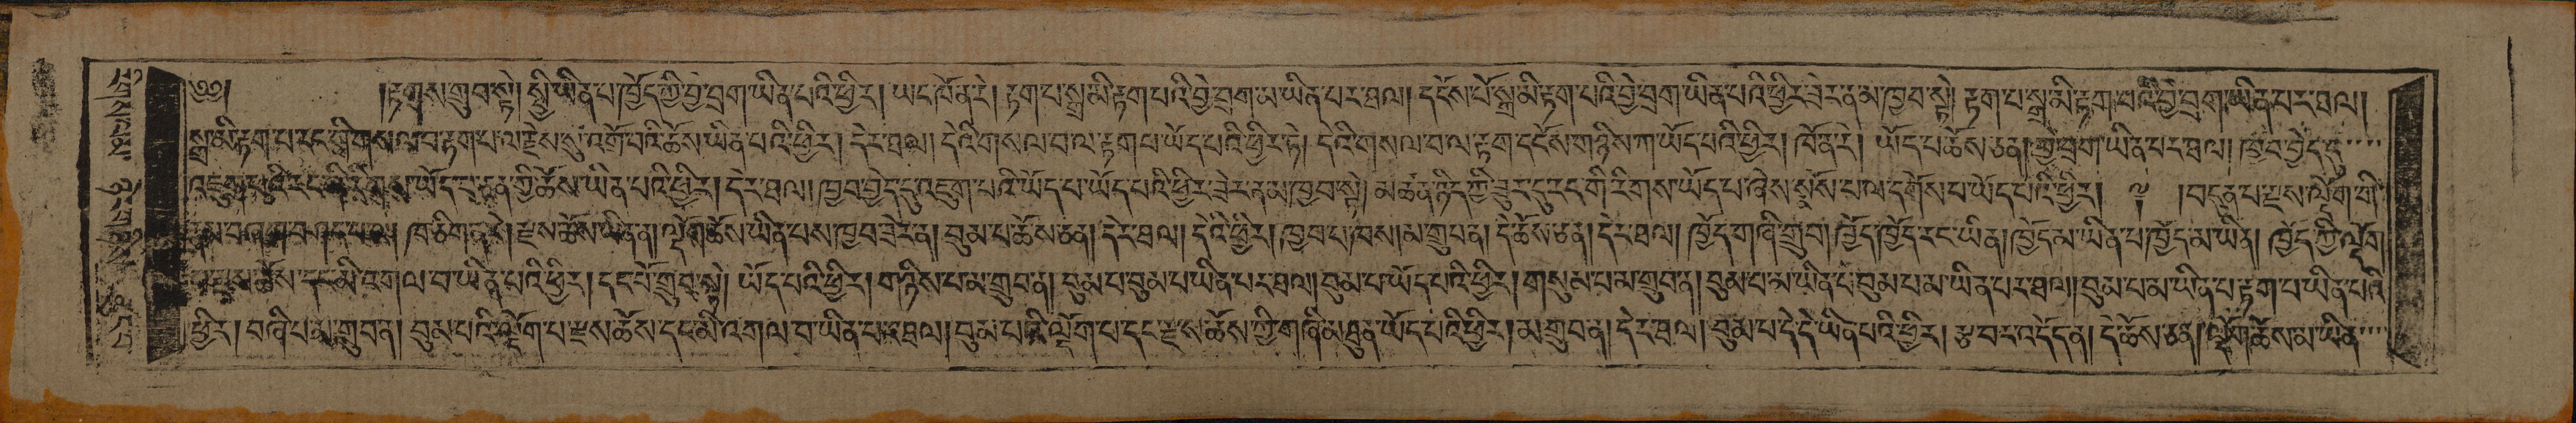༄༅། །རྟགས་གྲུབ་སྟེ། སྤྱི་ཡིན་པ་ཁྱོད་ཀྱི་བྱེ་བྲག་ཡིན་པའི་ཕྱིར། ཡང་ཁོ་ན་རེ། རྟག་པ་སྒྲ་མི་རྟག་པའི་བྱེ་བྲག་མ་ཡིན་པར་ཐལ། དངོས་པོ་སྒྲ་མི་རྟག་པའི་བྱེ་བྲག་ཡིན་པའི་ཕྱིར་ཟེར་ན་མ་ཁྱབ་སྟེ། རྟག་པ་སྒྲ་མི་རྟག་པའི་བྱེ་བྲག་ཡིན་པར་ཐལ།
སྒྲ་མི་རྟག་པ་རང་གི་གསལ་བ་རྟག་པ་ལ་རྗེས་སུ་འགྲོ་བའི་ཆོས་ཡིན་པའི་ཕྱིར། དེར་ཐལ། དེའི་གསལ་བ་ལ་རྟག་པ་ཡོད་པའི་ཕྱིར་ཏེ། དེའི་གསལ་བ་ལ་རྟག་དངོས་གཉིས་ཀ་ཡོད་པའི་ཕྱིར། ཁོ་ན་རེ། ཡོད་པ་ཆོས་ཅན། བྱེ་བྲག་ཡིན་པར་ཐལ། ཁྱབ་བྱེད་དུ་
འཇུག་པའི་རང་གི་རིགས་ཡོད་པ་ཅན་གྱི་ཆོས་ཡིན་པའི་ཕྱིར། དེར་ཐལ། ཁྱབ་བྱེད་དུ་འཇུག་པའི་ཡོད་པ་ཡོད་པའི་ཕྱིར་ཟེར་ན་མ་ཁྱབ་སྟེ། མཚན་ཉིད་ཀྱི་ཟུར་དུ་རང་གི་རིགས་ཡོད་པ་ཞེས་སྨོས་པ་ལ་དགོས་པ་ཡོད་པའི་ཕྱིར། ༈ །བདུན་པ་རྫས་ལྡོག་གི་
རྣམ་བཞག་བཤད་པ་ལ། ཁ་ཅིག་ན་རེ། རྫས་ཆོས་ཡིན་ན། ལྡོག་ཆོས་ཡིན་པས་ཁྱབ་ཟེར་ན། བུམ་པ་ཆོས་ཅན། དེར་ཐལ། དེའི་ཕྱིར། ཁྱབ་པ་ཁས། མ་གྲུབ་ན། དེ་ཆོས་ཅན། དེར་ཐལ། ཁྱོད་གཞི་གྲུབ། ཁྱོད་ཁྱོད་རང་ཡིན། ཁྱོད་མ་ཡིན་པ་ཁྱོད་མ་ཡིན། ཁྱོད་ཀྱི་ལྡོག་
པ་རྫས་ཆོས་དང་མི་འགལ་བ་ཡིན་པའི་ཕྱིར། དང་པོ་གྲུབ་སྟེ། ཡོད་པའི་ཕྱིར། གཉིས་པ་མ་གྲུབ་ན། བུམ་པ་བུམ་པ་ཡིན་པར་ཐལ། བུམ་པ་ཡོད་པའི་ཕྱིར། གསུམ་པ་མ་གྲུབ་ན། བུམ་པ་མ་ཡིན་པ་བུམ་པ་མ་ཡིན་པར་ཐལ། བུམ་པ་མ་ཡིན་པ་རྟག་པ་ཡིན་པའི་
ཕྱིར། བཞི་པ་མ་གྲུབ་ན། བུམ་པའི་ལྡོག་པ་རྫས་ཆོས་དང་མི་འགལ་བ་ཡིན་པར་ཐལ། བུམ་པའི་ལྡོག་པ་དང་རྫས་ཆོས་ཀྱི་གཞི་མཐུན་ཡོད་པའི་ཕྱིར། མ་གྲུབ་ན། དེར་ཐལ། བུམ་པ་དེ་དེ་ཡིན་པའི་ཕྱིར། རྩ་བར་འདོད་ན། དེ་ཆོས་ཅན། ལྡོག་ཆོས་མ་ཡིན་